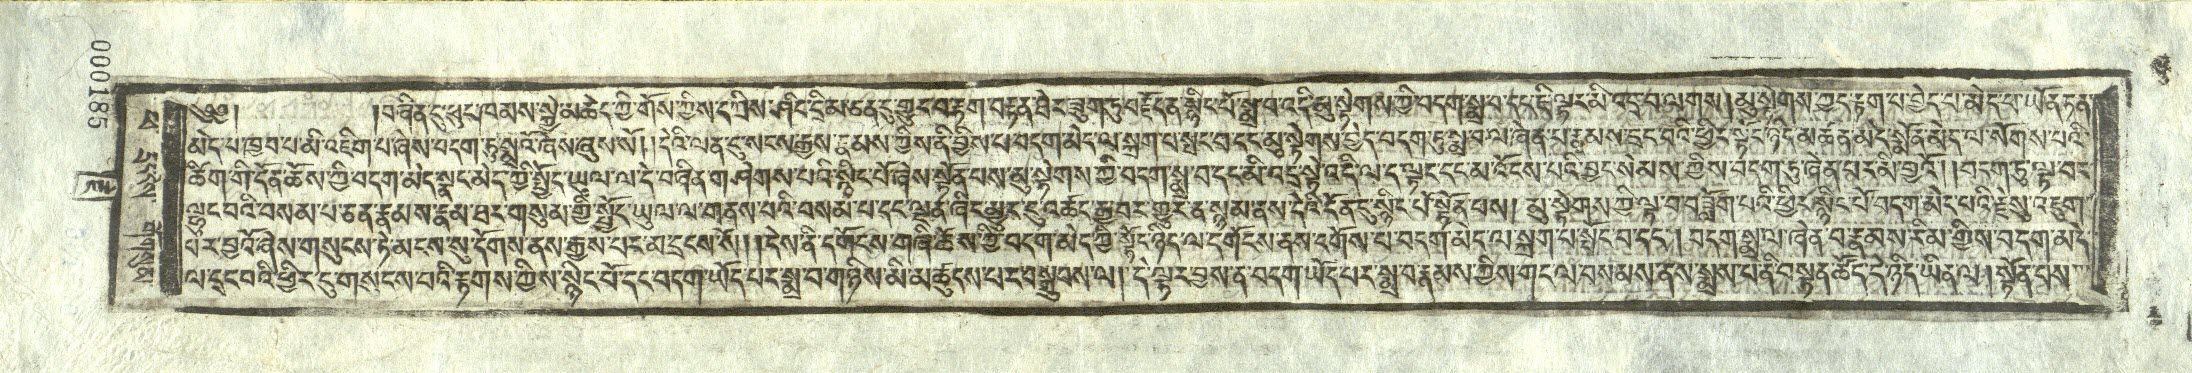༄༅། །བཞིན་དུ་ཕུང་ཁམས་སྐྱེ་མཆེད་ཀྱི་གོས་ཀྱིས་དཀྲིས་ཤིང་དྲི་མ་ཅན་དུ་གྱུར་པ་རྟག་བརྟན་ཐེར་ཟུག་ཏུ་བརྗོད་ན་སྙིང་པོ་སྨྲ་བ་འདི་མུ་སྟེགས་ཀྱི་བདག་སྨྲ་བ་དང་ཇི་ལྟར་མི་འདྲ་བ་ལགས། མུ་སྟེགས་ཀྱང་རྟག་པ་བྱེད་པ་མེད་པ་ཡོན་ཏན་
མེད་པ་ཁྱབ་པ་མི་འཇིག་པ་ཞེས་བདག་ཏུ་སྨྲའོ་ཞེས་ཞུས་སོ། །དེའི་ལན་དུ་སངས་རྒྱས་རྣམས་ཀྱིས་ནི་བྱིས་པ་བདག་མེད་ལ་སྐྲག་པ་སྤང་བ་དང་མུ་སྟེགས་བྱེད་བདག་ཏུ་སྨྲ་བ་ལ་ཞེན་པ་རྣམས་དྲང་བའི་ཕྱིར་སྟོང་ཉིད་མཚན་མེད་སྨོན་མེད་ལ་སོགས་པའི་
ཚིག་གི་དོན་ཆོས་ཀྱི་བདག་མེད་སྣང་མེད་ཀྱི་སྤྱོད་ཡུལ་ལ་དེ་བཞིན་གཤེགས་པའི་སྙིང་པོ་ཞེས་སྟོན་པས་མུ་སྟེགས་ཀྱི་བདག་སྨྲ་བ་དང་མི་འདྲ་སྟེ་འདི་ལ་ད་ལྟར་དང་མ་འོངས་པའི་བྱང་སེམས་ཀྱིས་བདག་ཏུ་ཞེན་པར་མི་བྱའོ། །བདག་ཏུ་ལྟ་བར་
ལྷུང་བའི་བསམ་པ་ཅན་རྣམས་རྣམ་ཐར་གསུམ་གྱི་སྤྱོད་ཡུལ་ལ་གནས་པའི་བསམ་པ་དང་ལྡན་ཞིང་མྱུར་དུ་འཚང་རྒྱ་བར་གྱུར་ན་སྙམ་ནས་དེའི་དོན་དུ་སྙིང་པོ་སྟོན་པས། མུ་སྟེགས་ཀྱི་ལྟ་བ་བཟློག་པའི་ཕྱིར་སྙིང་པོ་བདག་མེད་པའི་རྗེས་སུ་འཇུག་
པར་བྱའོ་ཞེས་གསུངས་ཏེ་མངས་སུ་དོགས་ནས་རྒྱས་པར་མ་དྲངས་སོ། །དེས་ནི་དགོངས་གཞི་ཆོས་ཀྱི་བདག་མེད་ཀྱི་སྟོང་ཉིད་ལ་དགོངས་ནས་དགོས་པ་བདག་མེད་ལ་སྐྲག་པ་སྤོང་བ་དང་། བདག་སྨྲ་ལ་ཞེན་པ་རྣམས་རིམ་གྱིས་བདག་མེད་
ལ་དྲང་བའི་ཕྱིར་དུ་གསུངས་པའི་རྟགས་ཀྱིས་སྙིང་པོ་དང་བདག་ཡོད་པར་སྨྲ་བ་གཉིས་མི་མཚུངས་པར་བསྒྲུབས་ལ། དེ་ལྟར་བྱས་ན་བདག་ཡོད་པར་སྨྲ་བ་རྣམས་ཀྱིས་གང་ལ་བསམས་ནས་སྨྲས་པ་ནི་བསྟན་ཚོད་དེ་ཉིད་ཡིན་ལ། སྟོན་པས་